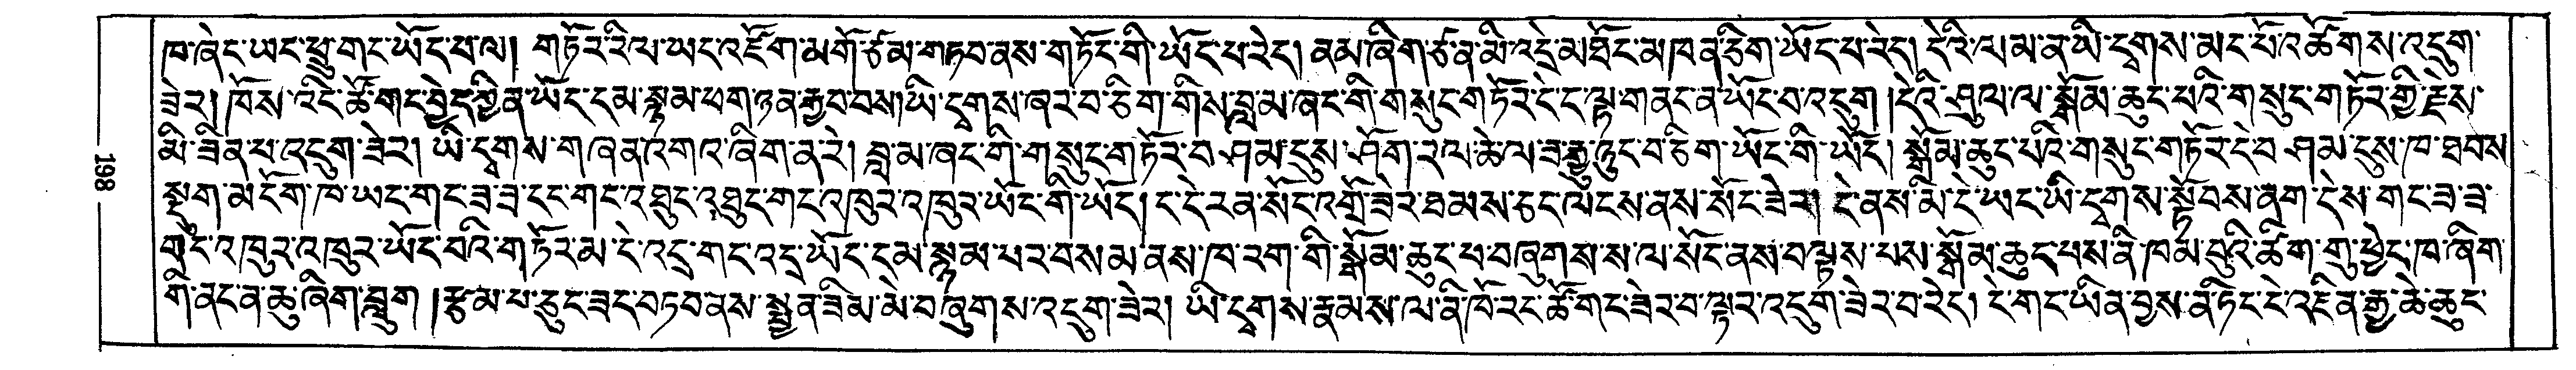ཁ་ཞོང་ཡང་ཕྲུ་གང་ཡོད་བ་ལ། གཏོར་རིལ་ཡང་འཛོག་མགོ་ཙམ་གཏབ་ནས་གཏོང་གི་ཡོད་པ་རེད། ནམ་ཞིག་ཙ་ན་མི་འདྲེ་མཐོང་མཁན་ཅིག་ཡོད་པ་རེད། དེའི་ལམ་ན་ཡི་དྭགས་མང་བོ་འཚོགས་འདུག་
ཟེར། ཁོས་འདི་ཚོ་གང་བྱེད་ཀྱིན་ཡོད་དམ་སྙམ་ཕག་ཉན་རྒྱབ་པས། ཡི་དྭགས་ཞར་བ་ཅིག་གིས་བླ་མ་ཞང་གི་གསུང་གཏོར་དེ་ད་ལྟ་གནང་ན་ཡོང་བ་འདུག །དེའི་ཤུལ་ལ་སྒོམ་ཆུང་པའི་གསུང་གཏོར་གྱི་རྗེས་
མི་ཟན་པ་འདུག་ཟེར། ཡི་དྭགས་གཞན་འགའ་ཞིག་ན་རེ། བླ་མ་ཞང་གི་གསུང་གཏོར་བཤམ་དུས་ཤོག་རལ་ཆེ་ལ་ཟ་རྒྱུ་ཉུང་བ་ཅིག་ཡོང་གི་ཡོད། སྒོམ་ཆུང་པའི་གསུང་གཏོར་དེ་བཤམ་དུས་ཁ་ཐབས་
སྡུག་མདོག་ཁ་ཡང་གང་ཟ་ཟ་དང་གང་འཐུང་འཐུང་གང་འཁུར་འཁུར་ཡོང་གི་ཡོད། ད་དེ་རན་སོང་འགྲོ་ཟེར་ཐམས་ཅད་ལངས་ནས་སོང་ཟེར། དེ་ནས་མི་དེ་ཡང་ཡི་དྭགས་སྟོབས་ནག་དེས་གང་ཟ་ཟ་
གང་འཁུར་འཁུར་ཡོང་བའི་གཏོར་མ་དེ་འདྲ་གང་འདྲ་ཡོད་དམ་སྙམ་པར་བསམ་ནས་ཁ་རག་གི་སྒོམ་ཆུང་པ་བཞུགས་ས་ལ་སོང་ནས་བལྟས་པས་སྒོམ་ཆུང་པས་ནི་ཁམ་བུའི་ཚིག་གུ་ཕྱེང་ཁ་ཞིག་
གི་ནང་ན་ཆུ་ཞིག་བླུག །རྩམ་པ་ཅུང་ཟད་བཏབ་ནས་སྤྱན་ཟིམ་མེ་བཞུགས་འདུག་ཟེར། ཡི་དྭགས་རྣམས་ལ་ནི་ཁོ་རང་ཚོ་གང་ཟེར་བ་ལྟར་འདུག་ཟེར་བ་རེད། དེ་གང་ཡིན་བྱས་ན་ཏིང་ངེ་འཛིན་རྒྱ་ཆེ་ཆུང་